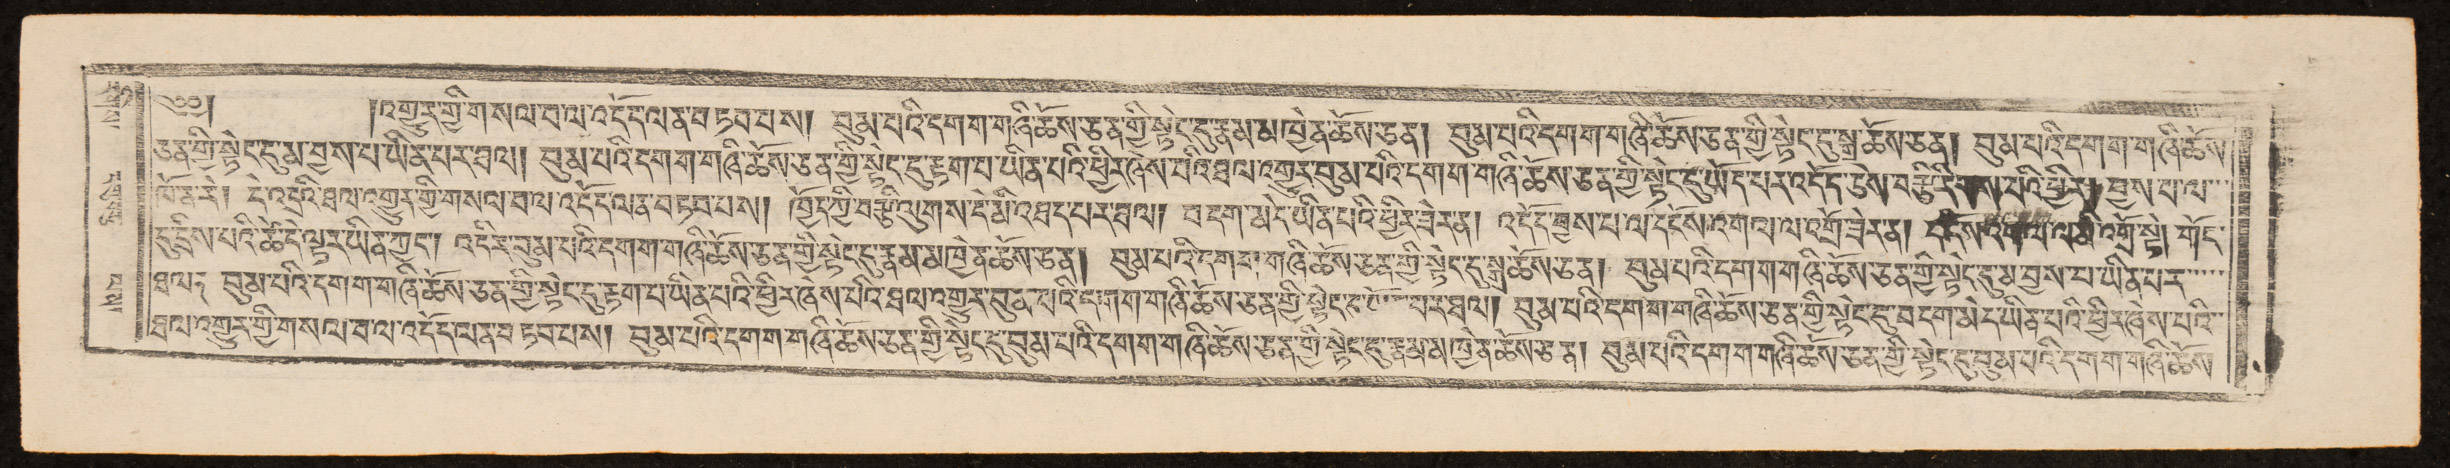༄༅། །འགྱུར་གྱི་གསལ་བ་ལ་འདོད་ལན་བཏབ་པས། བུམ་པའི་དགག་གཞི་ཆོས་ཅན་གྱི་སྟེང་དུ་རྣམ་མཁྱེན་ཆོས་ཅན། བུམ་པའི་དགག་གཞི་ཆོས་ཅན་གྱི་སྟེང་དུ་སྒྲ་ཆོས་ཅན། བུམ་པའི་དགག་གཞི་ཆོས་
ཅན་གྱི་སྟེང་དུ་མ་བྱས་པ་ཡིན་པར་ཐལ། བུམ་པའི་དགག་གཞི་ཆོས་ཅན་གྱི་སྟེང་དུ་རྟག་པ་ཡིན་པའི་ཕྱིར་ཞེས་པའི་ཐལ་འགྱུར་བུམ་པའི་དགག་གཞི་ཆོས་ཅན་གྱི་སྟེང་དུ་ཡོད་པར་འདོད་ཅེས་བརྩི་རིགས་པའི་ཕྱིར། བྱས་པ་ལ་
ཁོ་ན་རེ། དེ་འདྲའི་ཐལ་འགྱུར་གྱི་གསལ་བ་ལ་འདོད་ལན་བཏབ་པས། ཁྱོད་ཀྱི་བརྩི་ལུགས་དེ་མི་འཐད་པར་ཐལ། བདག་མེད་ཡིན་པའི་ཕྱིར་ཟེར་ན། འདོད་བྱས་པ་ལ་དངོས་འགལ་ལ་འགྲོ་ཟེར་ན། དངོས་འགལ་ལ་མི་འགྲོ་སྟེ། གོང་
དུ་དྲིས་པའི་ཚེ་དེ་ལྟར་ཡིན་ཀྱང་། འདིར་བུམ་པའི་དགག་གཞི་ཆོས་ཅན་གྱི་སྟེང་དུ་རྣམ་མཁྱེན་ཆོས་ཅན། བུམ་པའི་དགག་གཞི་ཆོས་ཅན་གྱི་སྟེང་དུ་སྒྲ་ཆོས་ཅན། བུམ་པའི་དགག་གཞི་ཆོས་ཅན་གྱི་སྟེང་དུ་མ་བྱས་པ་ཡིན་པར་
ཐལ། བུམ་པའི་དགག་གཞི་ཆོས་ཅན་གྱི་སྟེང་དུ་རྟག་པ་ཡིན་པའི་ཕྱིར་ཞེས་པའི་ཐལ་འགྱུར་བུམ་པའི་དགག་གཞི་ཆོས་ཅན་གྱི་སྟེང་དུ་ཡོད་པར་ཐལ། བུམ་པའི་དགག་གཞི་ཆོས་ཅན་གྱི་སྟེང་དུ་བདག་མེད་ཡིན་པའི་ཕྱིར་ཞེས་པའི་
ཐལ་འགྱུར་གྱི་གསལ་བ་ལ་འདོད་ལན་བཏབ་པས། བུམ་པའི་དགག་གཞི་ཆོས་ཅན་གྱི་སྟེང་དུ་བུམ་པའི་དགག་གཞི་ཆོས་ཅན་གྱི་སྟེང་དུ་རྣམ་མཁྱེན་ཆོས་ཅན། བུམ་པའི་དགག་གཞི་ཆོས་ཅན་གྱི་སྟེང་དུ་བུམ་པའི་དགག་གཞི་ཆོས་